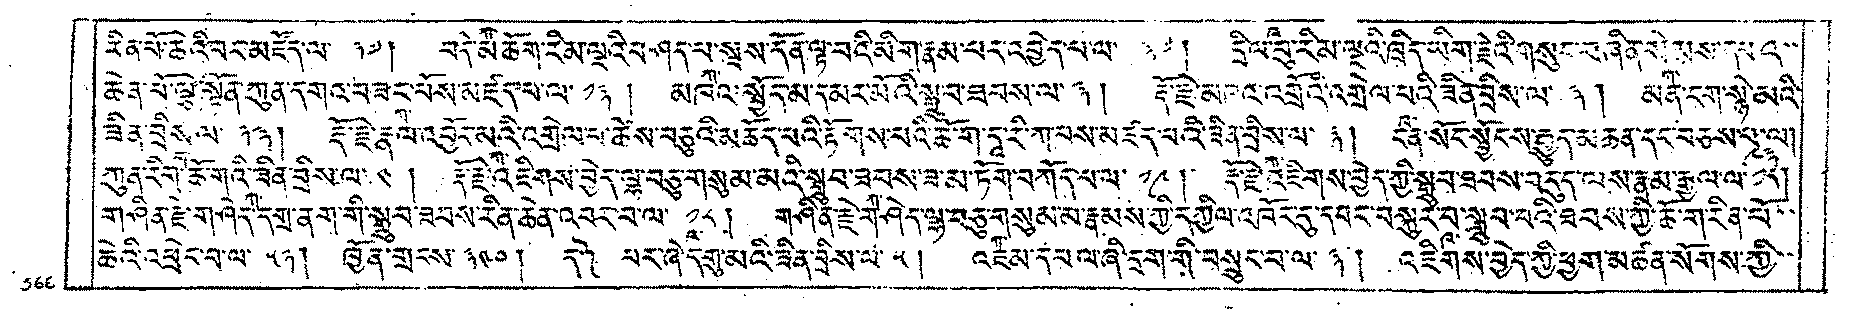རིན་པོ་ཆེའི་བང་མཛོད་ལ ༢༧། ཀ་བདེ་མཆོག་རིམ་ལྔའི་བཤད་པ་སྦས་དོན་ལྟ་བའི་མིག་རྣམ་པར་འབྱེད་པ་ལ ༣༧། ཁ་དྲིལ་བུ་རིམ་ལྔའི་ཁྲིད་ཡིག་རྗེའི་གསུང་བཞིན་སེམས་དཔའ་
ཆེན་པོ་ལྕེ་སྟོན་ཀུན་དགའ་བཟང་པོས་མཛད་པ་ལ ༡༣། ཀ་མཁའ་སྤྱོད་མ་དམར་མོའི་སྒྲུབ་ཐབས་ལ ༣། རྡོ་རྗེ་མཁའ་འགྲོའི་འགྲེལ་པའི་ཟིན་བྲིས་ལ ༣། ཀ་མན་ངག་སྙེ་མའི་
ཟིན་བྲིས་ལ ༢༣། ཀ་རྡོ་རྗེ་རྣལ་འབྱོར་མའི་འགྲེལ་པ་ཚེས་བཅུའི་མཆོད་པའི་རྟོགས་པའི་ཆོ་ག་དཱ་རི་ཀ་པས་མཛད་པའི་ཟིན་བྲིས་ལ ༣། ཁ་ངན་སོང་སྦྱོངས་རྒྱུད་མཚན་དང་བཅས་པ་ལ ༩༣།
ཀུན་རིག་ག་ཆོ་གའི་ཟིན་བྲིས་ལ ༤། ཀ་རྡོ་རྗེ་འཇིགས་བྱེད་ལྷ་བཅུ་གསུམ་མའི་སྒྲུབ་ཐབས་ཟ་མ་ཏོག་བཀོད་པ་ལ ༡༩། ཀ་རྡོ་རྗེ་འཇིགས་བྱེད་ཀྱི་སྒྲུབ་ཐབས་བདུད་ལས་རྣམ་རྒྱལ་ལ ༡༨།
གཤིན་རྗེ་གཤེད་ཀ་དགྲ་ནག་གི་སྒྲུབ་ཐབས་རིན་ཆེན་འབར་བ་ལ ༡༨། ཀ་གཤིན་རྗེ་གཤེད་ལྷ་བཅུ་གསུམ་མ་རྣམས་ཀྱི་དཀྱིལ་འཁོར་དུ་དབང་བསྐུར་བ་སྒྲུབ་པའི་ཐབས་ཀྱི་ཆོ་ག་རིན་པོ་
ཆེའི་འཕྲེང་བ་ལ ༥༢། ཁྱོན་གྲངས ༣༤༠། ད}་ཁ་པར་ཞེ་དགུ་མའི་ཟིན་བྲིས་ལ ༥། ཀ་འཇམ་དཔལ་ཞི་དྲག་གི་བསྲུང་བ་ལ ༣། ཁ་འཇིགས་བྱེད་ཀྱི་ཕྱག་མཚན་སོགས་ཀྱི་